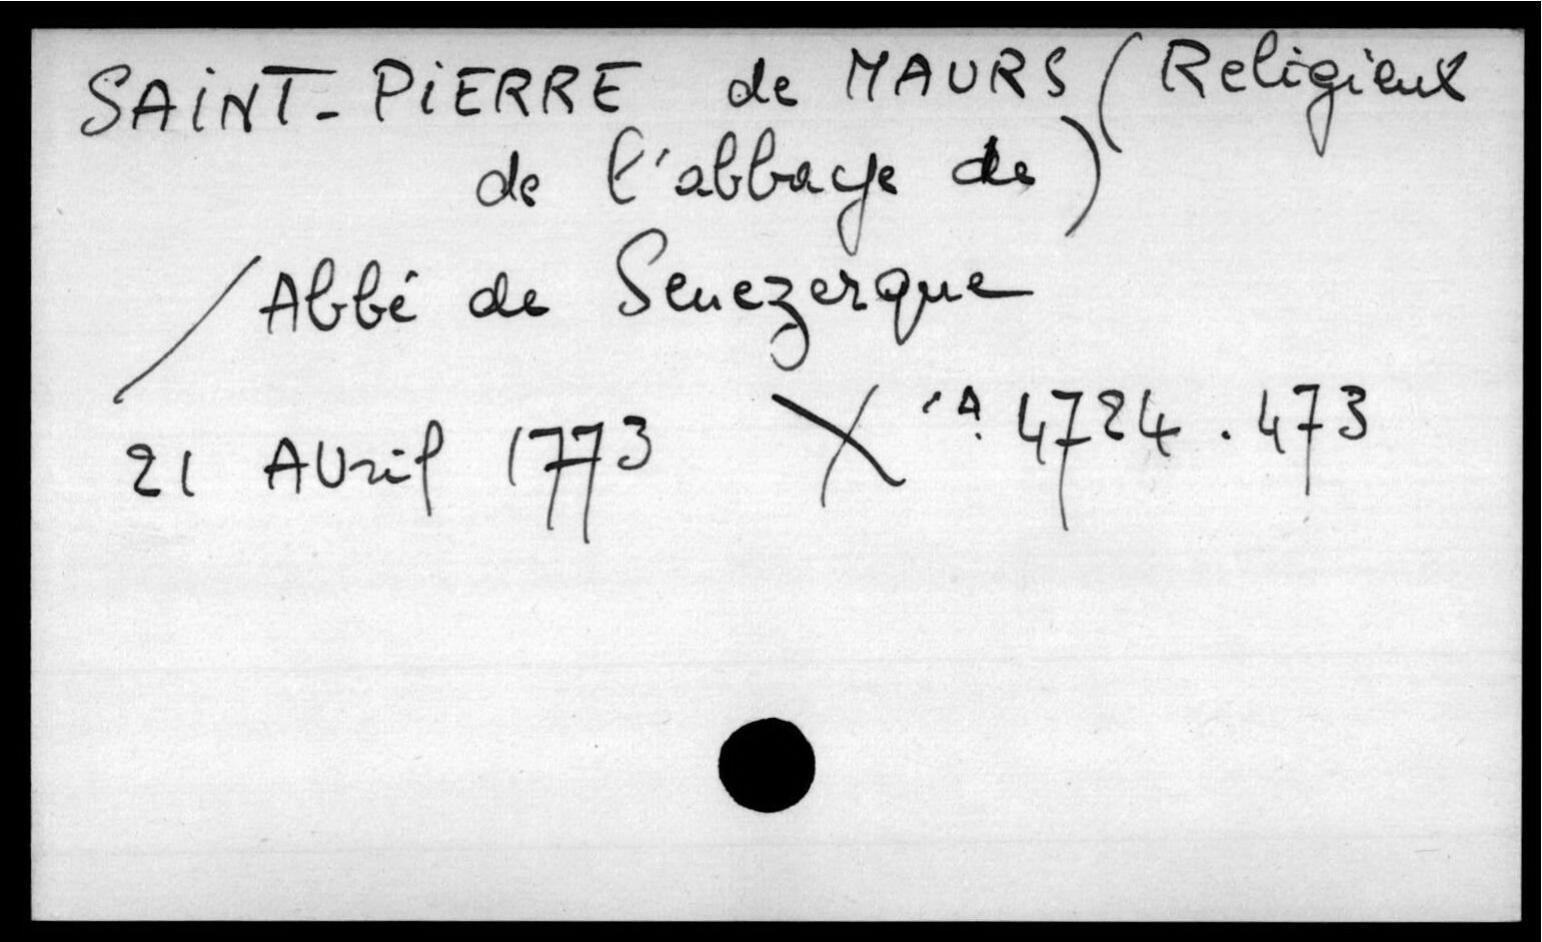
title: SAINT-PIERRE de MAURS (Religieux de l'abbaye de)
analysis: Contre Abbé de Senezerque
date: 21 avril 1773
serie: X1A
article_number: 4724
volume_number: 473
